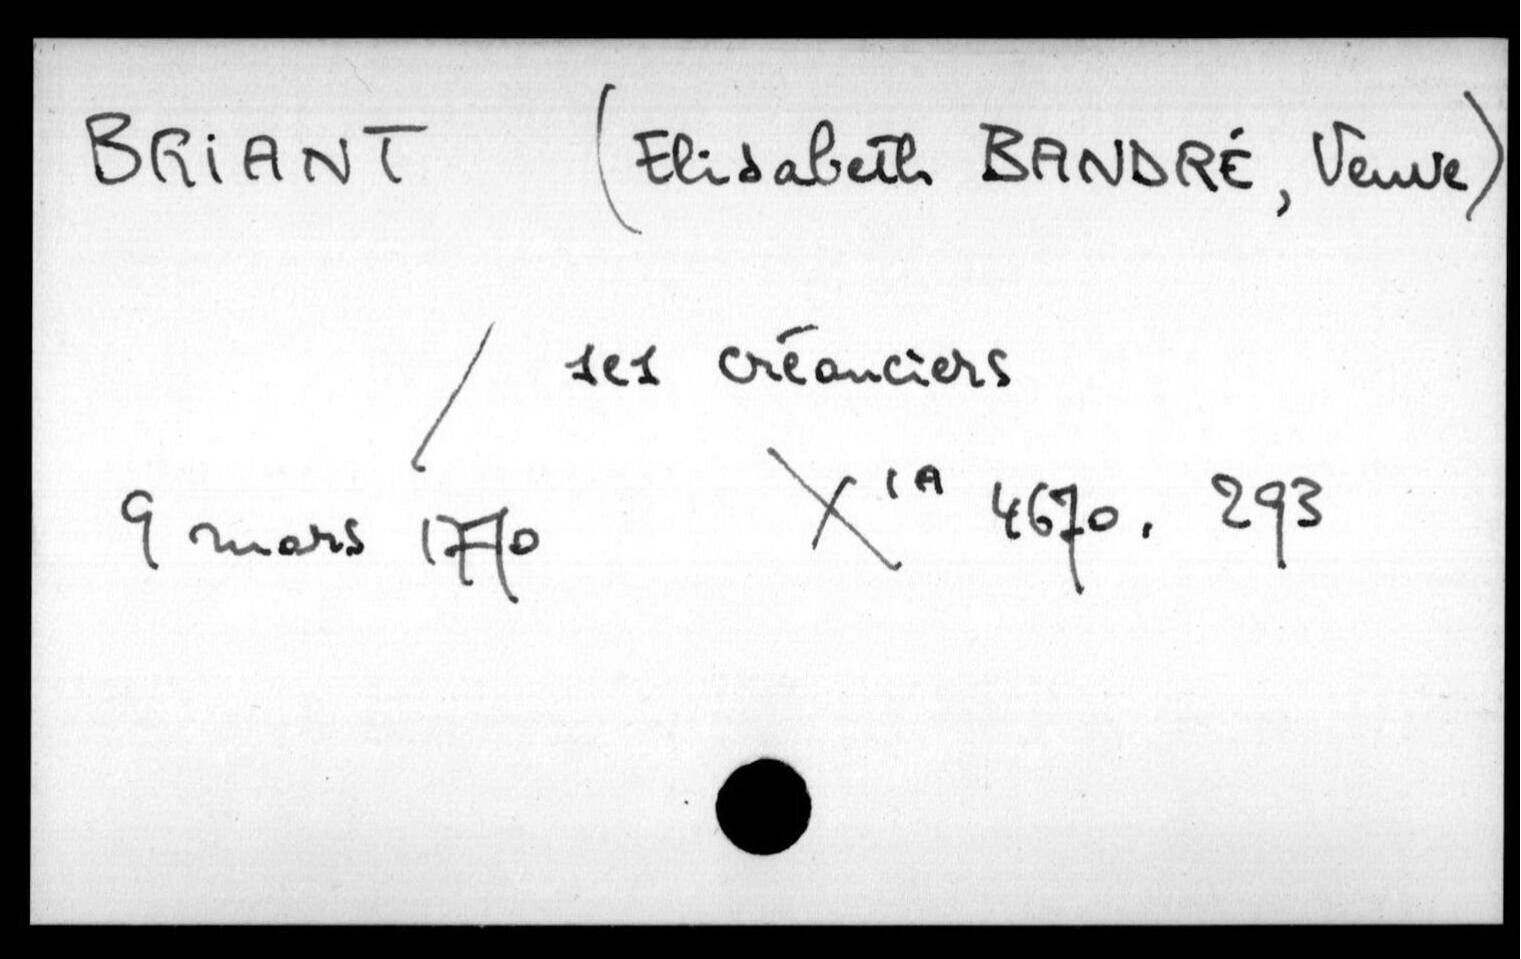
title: BRIANT (Élidabeth BANDRÉ, Veuve)
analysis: Contre ses créanciers
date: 9 mars 1770
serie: X1A
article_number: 4670
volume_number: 293
